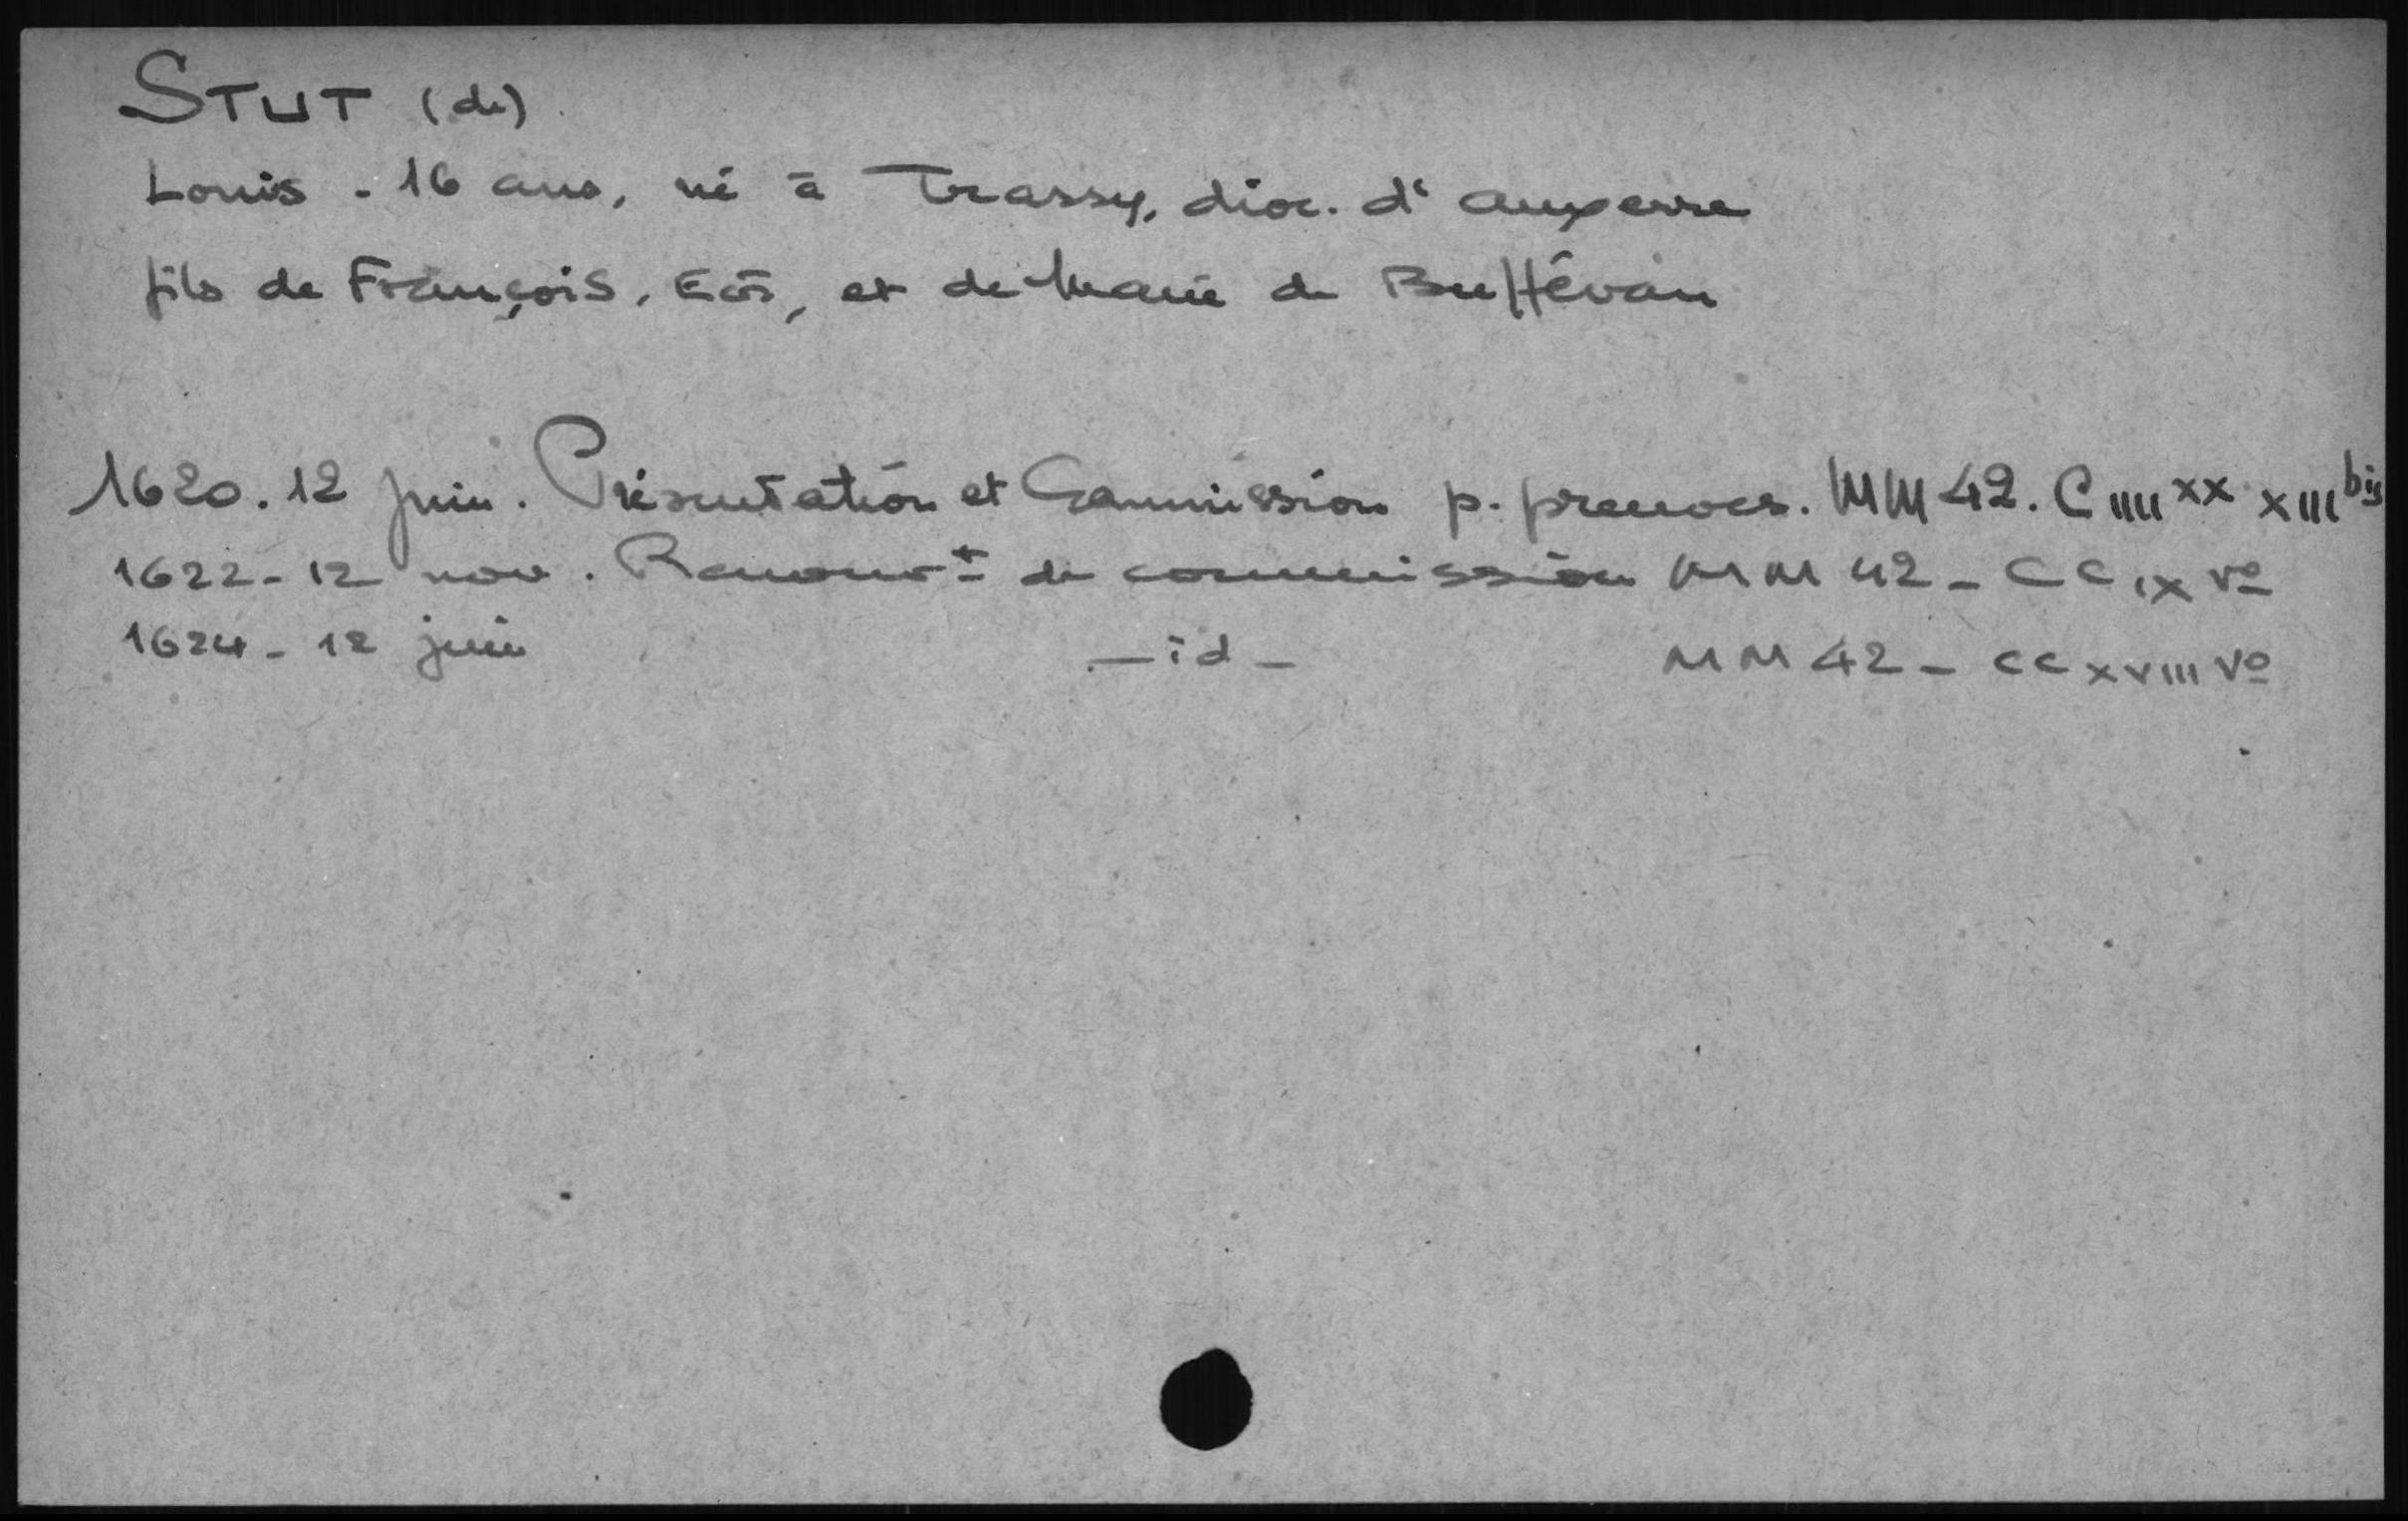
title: STUT (de), Louis, 16 ans, né à Trassy, diocèse d'Auxerre, fils de François, écuyer, et de Marie de Buffevan
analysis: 1620, 12 juin. Présentation et commission pour preuves. MM 42, CIIIIxx XIIIbis 1622, 12 novembre Renouvellement de commission. MM 42, CCICv 1624, 12 juin - idem - MM 42, CCXVIIIv
